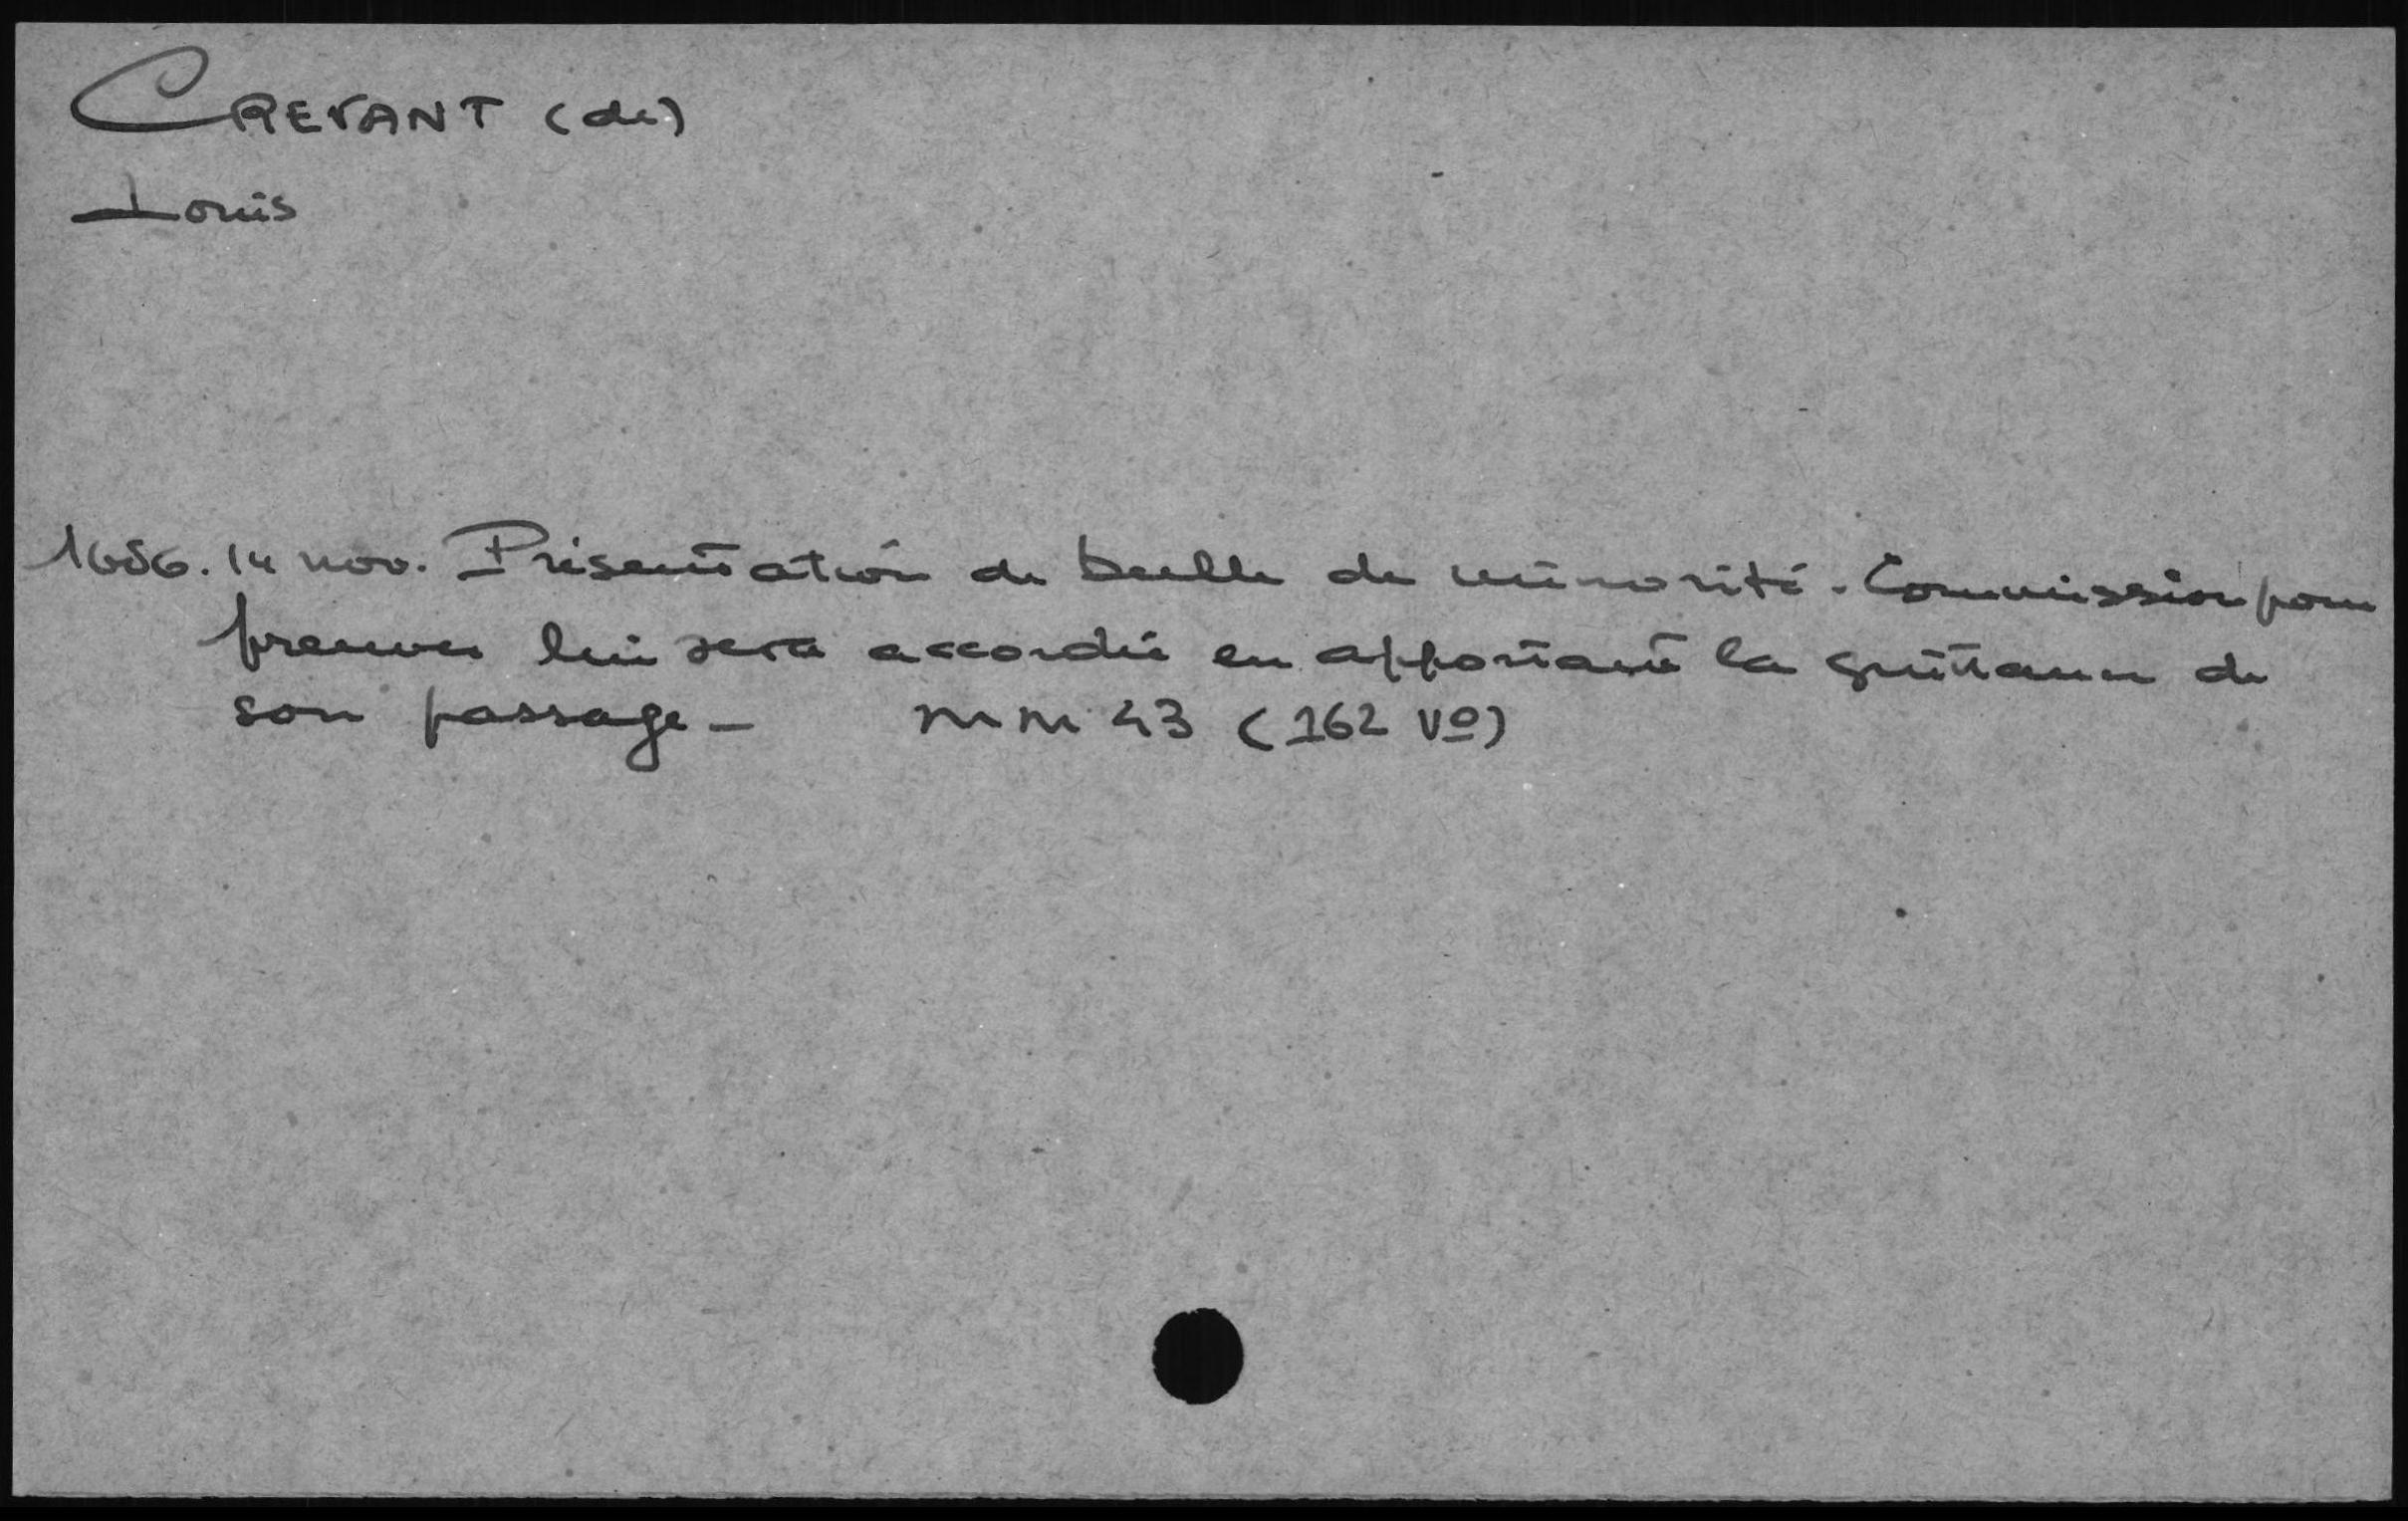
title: CREVANT (de) Louis
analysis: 1656, 14 novembre Présentation de bulles de minorité. Commission pour preuves lui sera accordée en apportant la quittance de son passage. MM 43 (162v)
